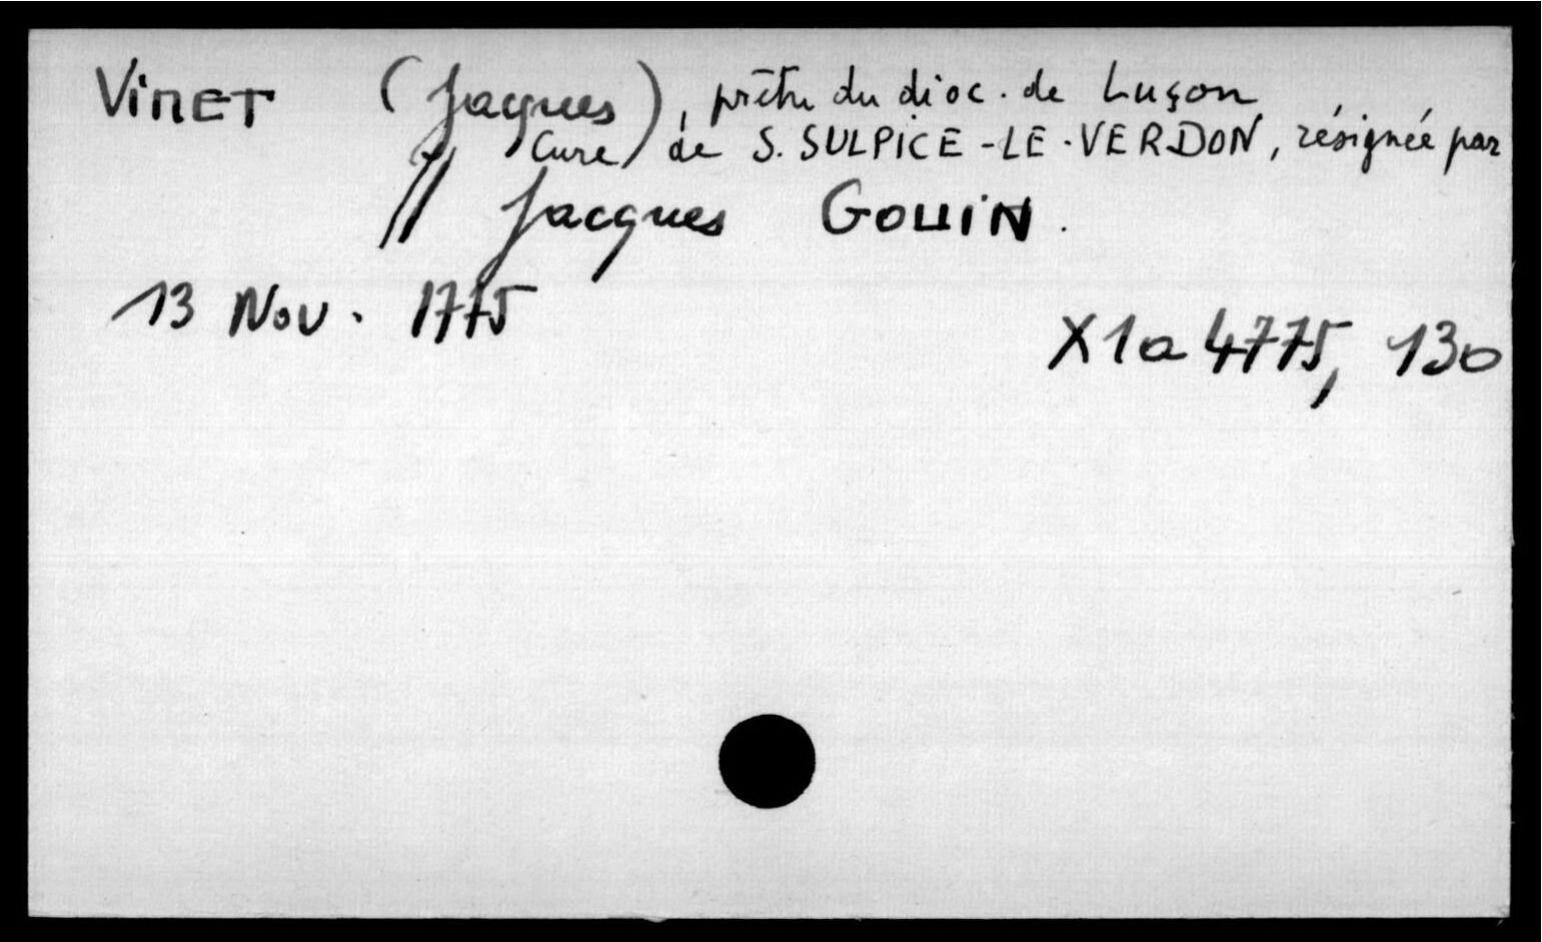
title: VINET (Jacques), prêtre du diocèse de Luçon, curé de Saint-SULPICE-LE-VERDON, résignée par
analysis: Contre Jacques GOUIN
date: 13 novembre 1775
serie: X1a
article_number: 4775
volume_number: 130
